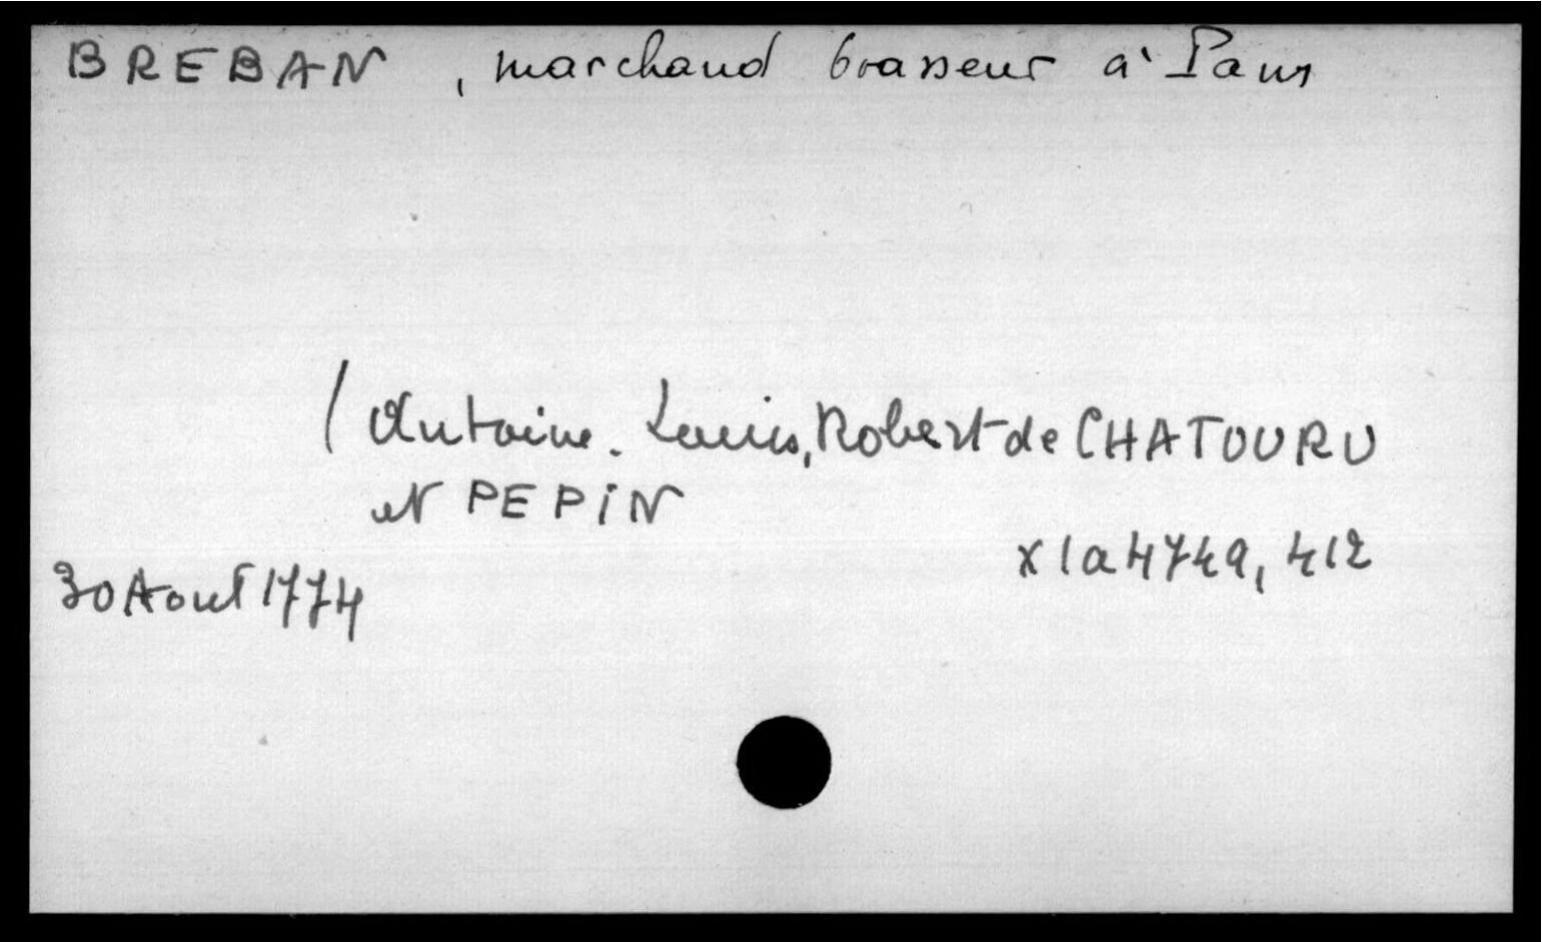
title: BREBAN, marchand brasseur à Paris
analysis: Contre Antoine-Louis, robert de CHATOURU et PEPIN
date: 30 août 1774
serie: X1a
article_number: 4749
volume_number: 412
